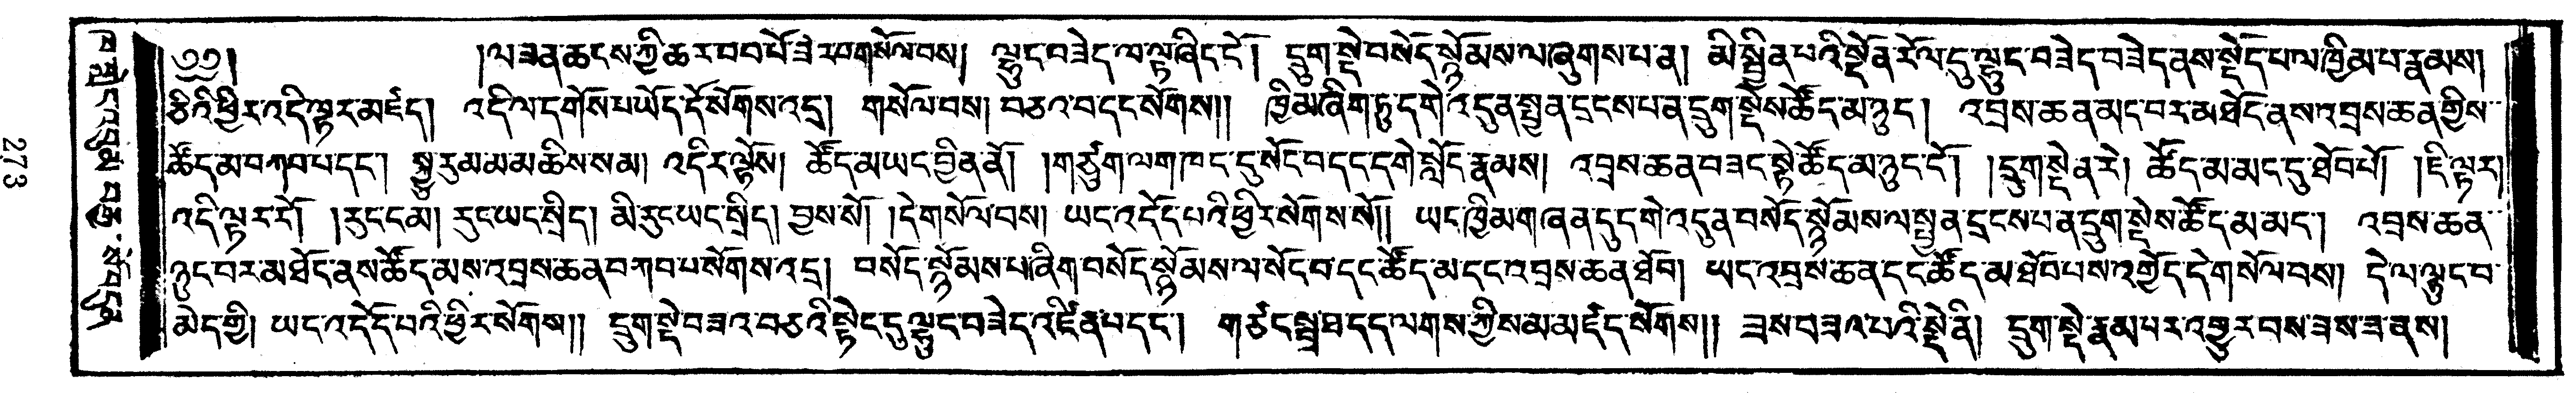༄༅། །ལ་ཟན་ཆངས་ཀྱི་ཆར་བབ་པོ་ཟེར་བ་གསོལ་བས། ལྷུང་བཟེད་ལ་ལྟ་ཞིང་ངོ། དྲུག་སྡེ་བསོད་སྙོམས་ལ་ཞུགས་པ་ན། མི་སྦྱིན་པའི་སྔོན་རོལ་དུ་ལྷུང་བཟེད་བཟེད་ནས་སྡོད་པ་ལ་ཁྱིམ་པ་རྣམས།
ཅིའི་ཕྱིར་འདི་ལྟར་མཛད། འདི་ལ་དགོས་པ་ཡོད་དོ་སོགས་འདྲ། གསོལ་བས། བཅའ་བ་དང་སོགས།། ཁྱིམ་ཞིག་ཏུ་དགེ་འདུན་སྤྱན་དྲངས་པ་ན་དྲུག་སྡེས་ཚོད་མ་ཉུང་། འབྲས་ཆན་མང་བར་མཐོང་ནས་འབྲས་ཆན་གྱིས་
ཚོད་མ་བཀབ་པ་དང་། སྐྱུ་རུ་མ་མ་མཆིས་སམ། འདིར་ལྟོས། ཚོད་མ་ཡང་བྱིན་ནོ། །གཙུག་ལག་ཁང་དུ་སོང་བ་དང་དགེ་སློང་རྣམས། འབྲས་ཆན་བཟང་སྟེ་ཚོད་མ་ཉུང་ངོ། །དྲུག་སྡེ་ན་རེ། ཚོད་མ་མང་དུ་ཐོབ་བོ། །ཇི་ལྟར།
འདི་ལྟར་རོ། །རུང་ངམ། རུང་ཡང་སྲིད། མི་རུང་ཡང་སྲིད། བྱས་སོ། །དེ་གསོལ་བས། ཡང་འདོད་པའི་ཕྱིར་སོགས་སོ།། ཡང་ཁྱིམ་གཞན་དུ་དགེ་འདུན་བསོད་སྙོམས་ལ་སྤྱན་དྲངས་པ་ན་དྲུག་སྡེས་ཚོད་མ་མང་། འབྲས་ཆན་
ཉུང་བར་མཐོང་ནས་ཚོད་མས་འབྲས་ཆན་བཀབ་པ་སོགས་འདྲ། བསོད་སྙོམས་པ་ཞིག་བསོད་སྙོམས་ལ་སོང་བ་དང་ཚོད་མ་དང་འབྲས་ཆན་ཐོབ། ཡང་འབྲས་ཆན་དང་ཚོད་མ་ཐོབ་པས་འགྱོད་དེ་གསོལ་བས། དེ་ལ་ལྟུང་བ་
མེད་གྱི། ཡང་འདོད་པའི་ཕྱིར་སོགས།། དྲུག་སྡེ་བཟའ་བཅའི་སྟེང་དུ་ལྷུང་བཟེད་འཛིན་པ་དང་། གཙང་སྦྲ་ཐ་དད་ལགས་ཀྱིས་མ་མཛད་སོགས།། ཟས་བཟའ་བའི་སྡེ་ནི། དྲུག་སྡེ་རྣམ་པར་འགྱུར་བས་ཟས་ཟ་ནས།